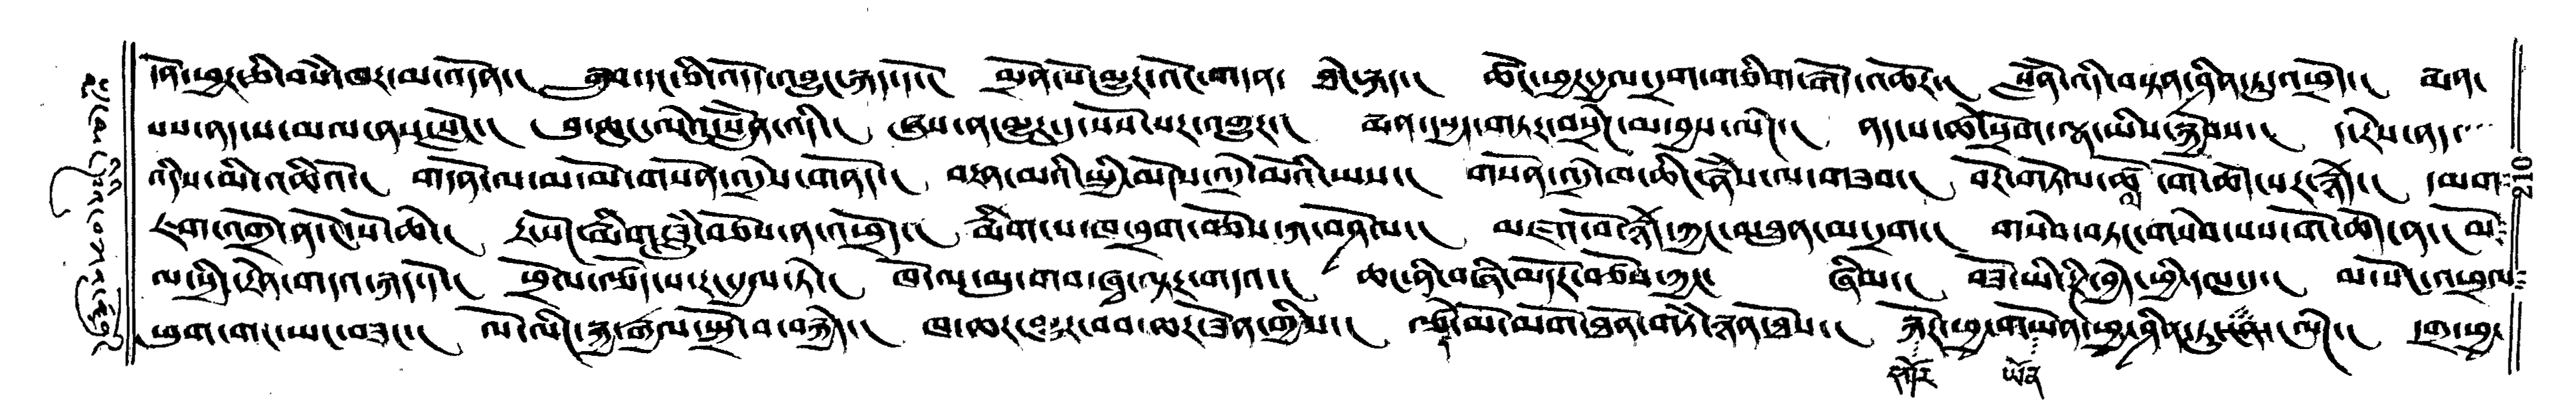།དོན་ཕྱྭར་ཅི་བསམ་ཁར་མ་འདོན། །སྒྲུབ་དང་ཅི་འདོད་འབྱུང་སྐད་དོ། །མགྲཽན་པོ་མྱུར་འོང་གདན། ཐིང་སྐད། །ཚོང་ཕྱྭར་རྒྱལ་དྲག་གཅིག་རྒོད་འཆོར། །སློབ་དཔོན་འདི་བསྟན་ཤིན་ཏུ་འཕྲོད། །སྨན་
པས་ནད་པ་མལ་ནས་སློང་། །བུ་ཆུང་སྲིའུ་སློབ་དཔོན་འདིར། །ཞུས་ན་མྱུར་དུ་གསོས་པར་འགྱུར། །སྨན་དཔྱད་གཏར་བསྲེགས་མ་བྱས་ལེགས། །ནད་པ་ཚེ་སྲོག་ལྷ་ཡི་སྐྱོབས། །ད་རེས་ནད་
འདིས་མི་འཆིའོ། །གདོན་ལ་མ་མོ་གསོན་འདྲེས་གནོད། ། ། ། །བརྟན་མའི་སྤྱི་མདོས་འདྲེ་མོའི་ཡས། །གསོན་འདྲེ་ཁ་ཆིང་རྣམས་ལ་གཟབ། །བོར་གཏོར་འཚོལ་གོ་ཆོད་པར་རྙེད། །དམག་
ཇག་འགྲོ་ན་ངོ་སོ་ཆེ། །རྟ་སོགས་རྨིག་ཟླུམ་བཅོས་ན་འཕྲོད། །རྨིག་པ་ཁ་དབྲག་བཅོས་ཀ་བཤོལ། །མཛའ་བོ་རྙེད་ཀྱང་མཐུན་མ་དྲག །གསེབ་བཏང་གསེབ་པས་གོ་ཆོད་ན། །མོ་
ལ་སྲིད་བརྟེན་གདའ་སྐད་དོ། །ཕ་རཽལ་རྩོད་པ་རང་རྒྱལ་ཏེ། ཁོ་ལ་དམུ་གབ་ཞྭ་ལྟར་གདའ། །ཆང་ནི་བཞི་མདོར་བཙོད་ཀྱང་ཞིམ། །བཟོ་ཡི་རིགས་བྱེད་ཕྱི་དལ་དུ། །མ་སོང་འཕྲལ་
ཕུགས་གང་ཡང་བཟང་། །ལོ་ལེགས་སྐྱ་རྒྱལ་སྤྲོ་བ་བསྐྱེད། ཁ་ཆར་མྱུར་འབབ་ཆར་ཟོན་གྱིས། །རྩེད་མོ་མགོ་ཐོན་གཏམ་སྙན་ཐོས། །དཀོར་ཕྱྭ་ཡོན་ཕྱྭ་ཤིན་ཏུ་ལེགས། །དགྲ་ཕྱྭ་